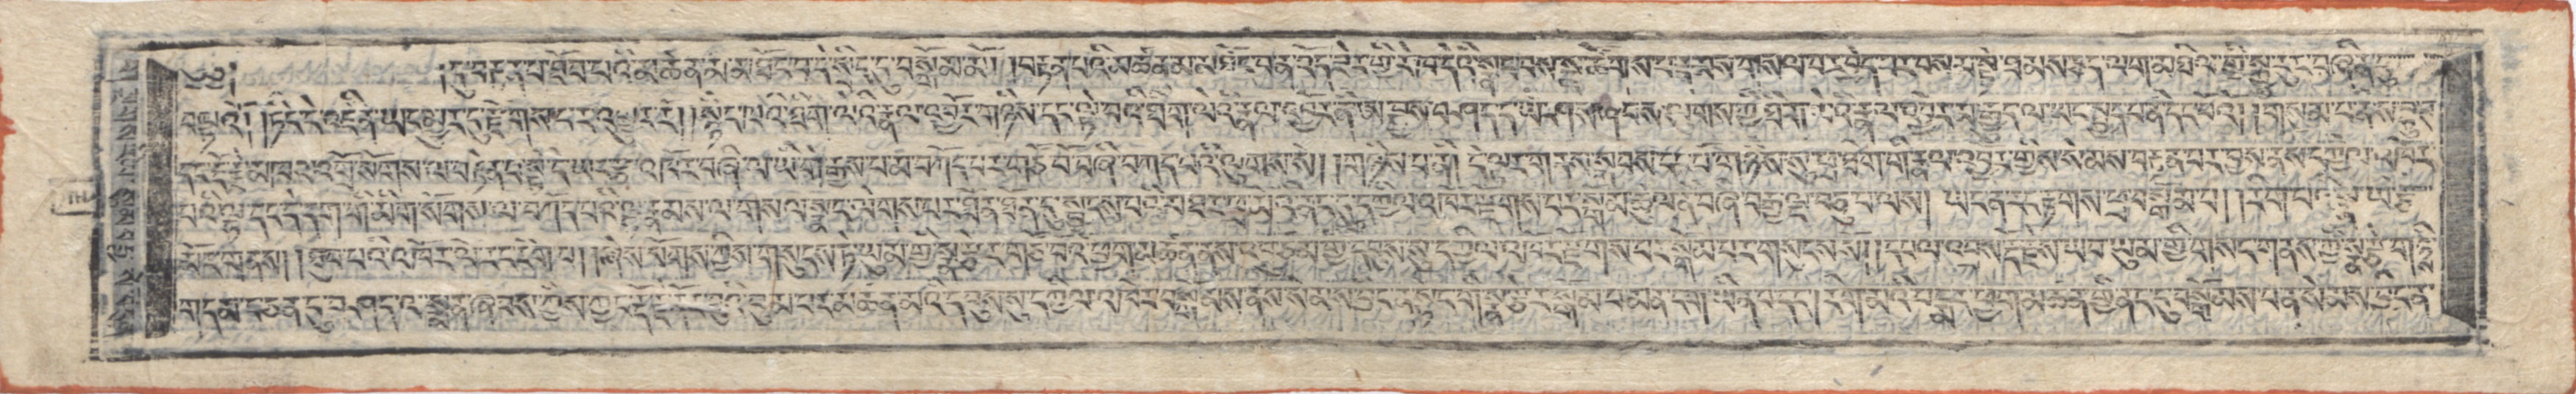༄༅། །དུ་བརྟན་པ་ཐོབ་པའི་མཚན་མ་མཐོང་བ་དེ་སྲིད་དུ་བསྒོམ་མོ། །བརྟན་པའི་མཚན་མ་མཐོང་བ་ན་འོད་ཟེར་གྱི་རེ་ཁ་དེའི་སྣང་བས་སྣ་ཚོགས་པ་རྣམས་གསལ་བར་བྱེད་པར་བསམ་སྟེ་ཐམས་ཅད་ལག་མཐིལ་གྱི་སྐྱུ་རུང་བཞིན་དུ་
བལྟའོ། །ཏིང་ངེ་འཛིན་ཡང་མྱུར་དུ་རྫོགས་པར་འགྱུར་རོ། །སྙིང་ཁའི་ཐིག་ལེའི་རྣལ་འབྱོར་གཉིས་དང་ལྟེ་བའི་ཐིག་ལེའི་རྣལ་འབྱོར་ནི་ཨ་བྷྱས་བཤད་དེ་ཡེ་ཤས་ཞབས་ལུགས་ཀྱི་ཐིག་ལེའི་རྣལ་འབྱོར་མ་རྒྱུད་ལ་ཡང་སྤྱད་པ་ན་དང་པོའོ། །གསུམ་པ་ནི་སཾ་བྷུ་ཊ་
དང་རྡོ་རྗེ་མཁའ་འགྲོ་སོགས་ལ་བརྟེན་པ་སྟེ་དེ་ཡང་རྩ་འཁོར་བཞི་ལ་ཡི་གེ་རྒྱས་པ་མ་བཀོད་པར་གཙོ་བོ་བཞི་བཀོད་པའི་ལུགས་སོ། །གཉིས་པ་ནི། དེ་ལྟར་གནས་སྐབས་དང་པོ་གཉིས་སུ་ཕྲ་ཐིག་གི་རྣལ་འབྱོར་གྱིས་སེམས་བརྟན་པར་བྱས་ནས་དཀྱིལ་འཁོར་
པའི་ལྷ་དང་དེ་དག་གི་མིག་སོགས་ལ་བཀོད་པའི་ལྷ་རྣམས་ལ་གསལ་སྣང་ལེགས་པར་ཐོན་ཐོན་དུ་སྦྱངས་པའི་མཐར་ཕྲ་མོའི་ནང་དུ་དཀྱིལ་འཁོར་རྫོགས་པར་སྒོམ་ཚུལ་ནི་བཞི་བརྒྱ་ལྔ་བཅུ་པ་ལས། ཡང་ན་རང་རྟགས་ཕྲ་བསྒོམ་པ། །རིག་པའི་སྣ་ཡ་རྩེ་
མོར་གནས། །ཐུབ་པའི་འཁོར་ལོ་རང་རིག་པ། །ཞེས་སོགས་ཀྱིས་གསུངས་ཏེ་ཡུམ་གྱི་སྣ་རྩེར་གཙོ་བོའི་ཕྱག་མཚན་ནས་འབྲུ་ཙམ་གྱི་དབུས་སུ་དཀྱིལ་འཁོར་རྫོགས་པར་སྒོམ་པར་གསུངས་སོ། །དཔལ་འབྲས་རྡོ་རྗེས་ཡབ་ཡུམ་གྱི་གསང་གནས་ཀྱི་སྣ་རྩེ་གཉིས་
གདམ་ང་ཅན་དུ་བཤད་ལ་སྨན་ཞབས་ཀྱིས་ཀྱང་རྡོ་རྗེ་ནོར་བུའི་བུམ་པར་མཚན་མའི་དབུས་སུ་དཀྱིལ་འཁོར་བསྒོམས་ནས་སེམས་བྱིང་ན་སྟེང་གི་སྣ་རྩེར་སྒོམ་པ་མན་ངག་ཡིན་པ་དང་། རིག་མའི་པདམར་ཕྱག་མཚན་གྱི་ནང་དུ་བསྒོམས་པ་ན་སེམས་བྱིང་ན་